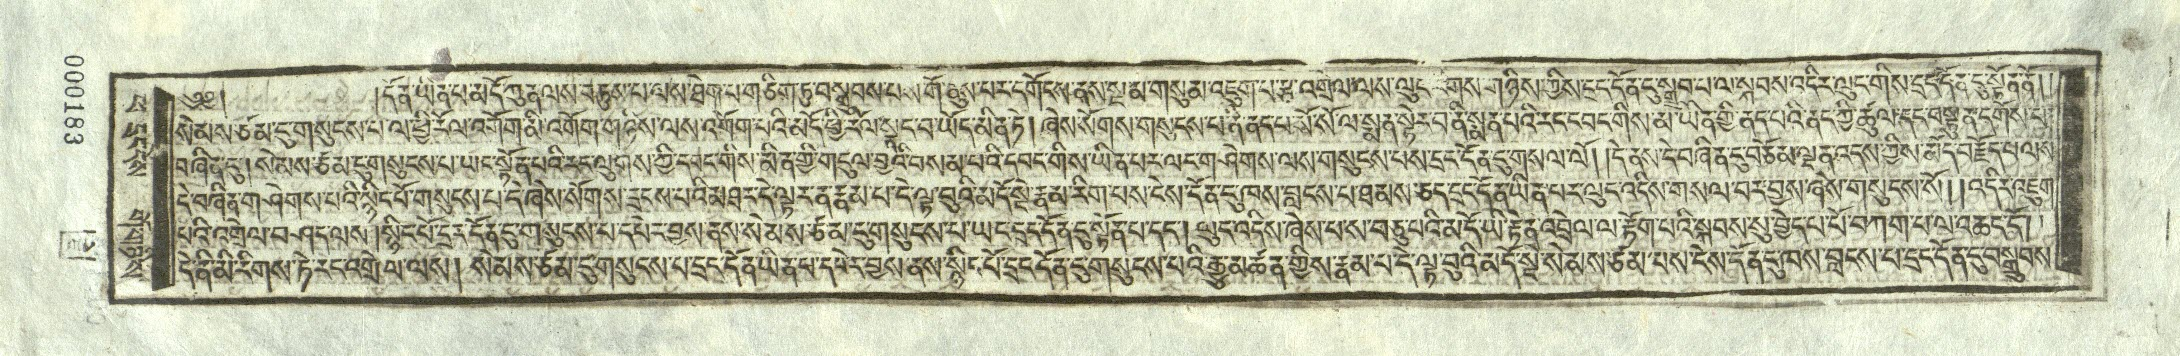༄༅། །དོན་ཡིན་པ་མདོ་ཀུན་ལས་བཏུས་པ་ལས་ཐེག་པ་གཅིག་ཏུ་བསྒྲུབས་པས་གོ་ནུས་པར་དགོངས་ནས་སྔ་མ་གསུམ་འཇུག་པ་རྩ་འགྲེལ་ལས་ལུང་རིགས་གཉིས་ཀྱིས་དྲང་དོན་དུ་སྒྲུབ་པ་ལ་སྐབས་འདིར་ལུང་གིས་དྲང་དོན་དུ་སྟོན་ནོ།།
སེམས་ཙམ་དུ་གསུངས་པ་ལ་ཕྱི་རོལ་འགོག་མི་འགོག་གཉིས་ལས་འགོག་པའི་མདོ་ཕྱི་རོལ་སྣང་བ་ཡོད་མིན་ཏེ། ཞེས་སོགས་གསུངས་པ་ནི་ནད་པ་སོ་སོ་ལ་སྨན་སྟེར་བ་ནི་སྨན་པའི་རང་དབང་གིས་མ་ཡིན་གྱི་ནད་པའི་ནང་ཀྱི་ཚུལ་དང་བསྟན་དགོས་པ་
བཞིན་དུ། སེམས་ཙམ་དུ་གསུངས་པ་ཡང་སྟོན་པའི་རང་ལུགས་ཀྱི་དབང་གིས་མིན་གྱི་གདུལ་བྱའི་བསམ་པའི་དབང་གིས་ཡིན་པར་ལང་གཤེགས་ལས་གསུངས་པས་དྲང་དོན་དུ་གསལ་ལོ། །དེ་ནས་དེ་བཞིན་དུ་བཅོམ་ལྡན་འདས་ཀྱིས་མདོ་བརྗོད་པ་ལས་
དེ་བཞིན་གཤེགས་པའི་སྙིང་པོ་གསུངས་པ་དེ་ཞེས་སོགས་དྲངས་པའི་མཐར་དེ་ལྟར་ན་རྣམ་པ་དེ་ལྟ་བུའི་མདོ་སྡེ་རྣམ་རིག་པས་ངེས་དོན་དུ་ཁས་བླངས་པ་ཐམས་ཅད་དྲང་དོན་ཡིན་པར་ལུང་འདིས་གསལ་བར་བྱས་ཞེས་གསུངས་སོ། །འདིར་འཇུག་
པའི་འགྲེལ་བཤད་ལས། སྙིང་པོ་དང་དོན་དུ་གསུངས་པ་དཔེར་བྱས་ནས་སེམས་ཙམ་དུ་གསུངས་པ་ཡང་དྲང་དོན་དུ་སྟོན་པ་དང་། ལུང་འདིས་ཞེས་པ་ས་བཅུ་པའི་མདོ་ཡི་རྟེན་འབྲེལ་ལ་རྟོག་པའི་སྐབས་སུ་བྱེད་པ་པོ་བཀག་པ་ལ་འཆད་དོ།།
དེ་ནི་མི་རིགས་ཏེ་རང་འགྲེལ་ལས། སེམས་ཙམ་དུ་གསུངས་པ་དྲང་དོན་ཡིན་པ་དཔེར་བྱས་ནས་སྙིད་པོ་དྲང་དོན་དུ་གསུངས་པའི་རྒྱུ་མཚན་གྱིས་རྣམ་པ་དེ་ལྟ་བུའི་མདོ་སྡེ་སེམས་ཙམ་པས་ངེས་དོན་དུ་ཁས་བླངས་པ་དྲང་དོན་དུ་བསྒྲུབས་